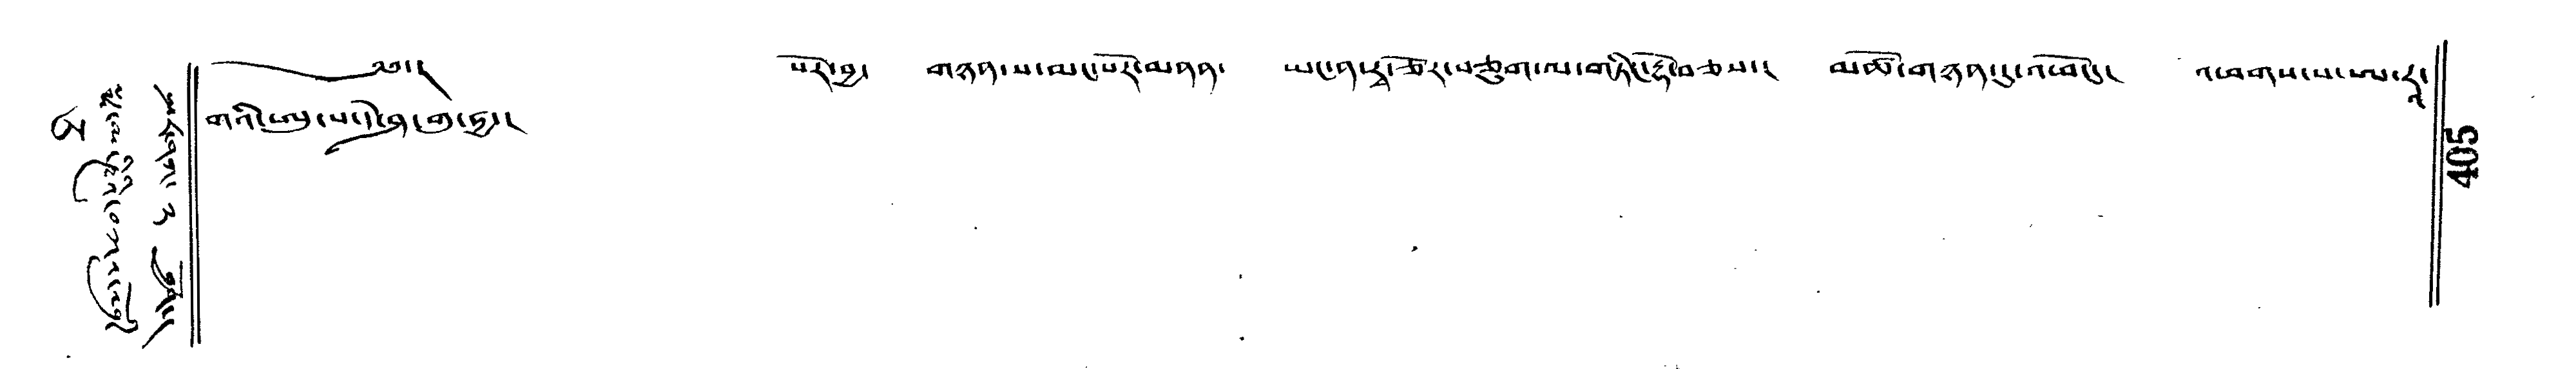པོར་བྱ། གཉན་ས་མང་པོར་མནན། ཡང་ན་རྭ་ཅོར་བཅུག་ལ་གཏིང་རྡོ་བཅས་མཚོ་གཉན་དུ་འཕང་། འཕགས་པ་ཨ་རཱ་
གའི་ཨུ་པ་དེ་ཤ་གུ་ཧྱ། དགེའོ།།